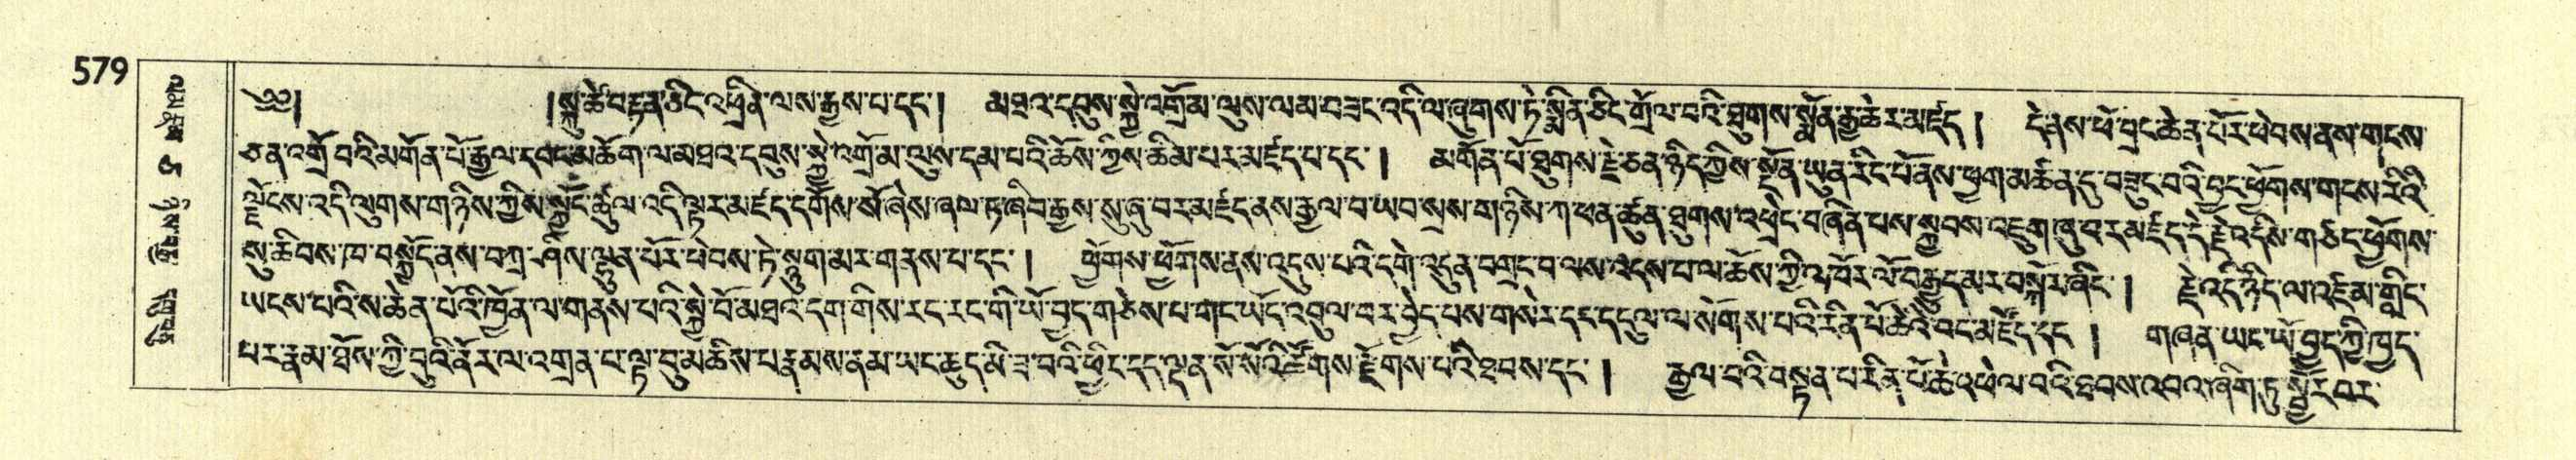༄༅། །སྐུ་ཚེ་བརྟན་ཅིང་འཕྲིན་ལས་རྒྱས་པ་དང་། མཐའ་དབུས་སྐྱེ་འགྲོ་མ་ལུས་ལམ་བཟང་འདི་ལ་ཞུགས་ཏེ་སྨིན་ཅིང་གྲོལ་བའི་ཐུགས་སྨོན་རྒྱ་ཆེར་མཛད། དེ་ནས་ཕོ་བྲང་ཆེན་པོར་ཕེབས་ནས་གངས་
ཅན་འགྲོ་བའི་མགོན་པོ་རྒྱལ་དབང་མཆོག་ལ་མཐའ་དབུས་སྐྱེ་འགྲོ་མ་ལུས་དམ་པའི་ཆོས་ཀྱིས་ཚིམ་པར་མཛད་པ་དང་། མགོན་པོ་ཐུགས་རྗེ་ཅན་ཉིད་ཀྱིས་སྔོན་ཡུན་རིང་པོ་ནས་ཕྱག་མཚན་དུ་བཟུང་བའི་བྱང་ཕྱོགས་གངས་རིའི་
ལྗོངས་འདི་ལུགས་གཉིས་ཀྱིས་སྐྱོང་ཚུལ་འདི་ལྟར་མཛད་དགོས་སོ་ཞེས་ཞལ་ཏ་ཞིབ་རྒྱས་སུ་ཞུ་བར་མཛད་ནས་རྒྱལ་བ་ཡབ་སྲས་གཉིས་ཀ་ཕན་ཚུན་ཐུགས་འཕྲེང་བཞིན་པས་སྐྱབས་འཇུག་ཞུ་བར་མཛད་དེ་རྗེ་འདིས་གཙང་ཕྱོགས་
སུ་ཆིབས་ཁ་བསྐྱོད་ནས་བཀྲ་ཤིས་ལྷུན་པོར་ཕེབས་ཏེ་སྙུག་མར་གནས་པ་དང་། ཕྱོགས་ཕྱོགས་ནས་འདུས་པའི་དགེ་འདུན་བགྲང་བ་ལས་འདས་པ་ལ་ཆོས་ཀྱི་འཁོར་ལོ་བརྒྱུད་མར་བསྐོར་ཞིང་། རྗེ་འདི་ཉིད་ལ་འཛམ་གླིང་
ཡངས་པའི་ས་ཆེན་པོའི་ཁྱོན་ལ་གནས་པའི་སྐྱེ་བོ་མཐའ་དག་གིས་རང་རང་གི་ཡོ་བྱད་གཅེས་པ་གང་ཡོད་འབུལ་བར་བྱེད་པས་གསེར་དང་དངུལ་ལ་སོགས་པའི་རིན་པོ་ཆེའི་བང་མཛོད་དང་། གཞན་ཡང་ཡོ་བྱད་ཀྱི་ཁྱད་
པར་རྣམ་ཐོས་ཀྱི་བུའི་ནོར་ལ་འགྲན་པ་ལྟ་བུ་མཆིས་པ་རྣམས་ནམ་ཡང་ཆུད་མི་ཟ་བའི་ཕྱིར་དད་ལྡན་སོ་སོའི་ཚོགས་རྫོགས་པའི་ཐབས་དང་། རྒྱལ་བའི་བསྟན་པ་རིན་པོ་ཆེ་འཕེལ་བའི་ཐབས་འབའ་ཞིག་ཏུ་སྦྱོར་བར་